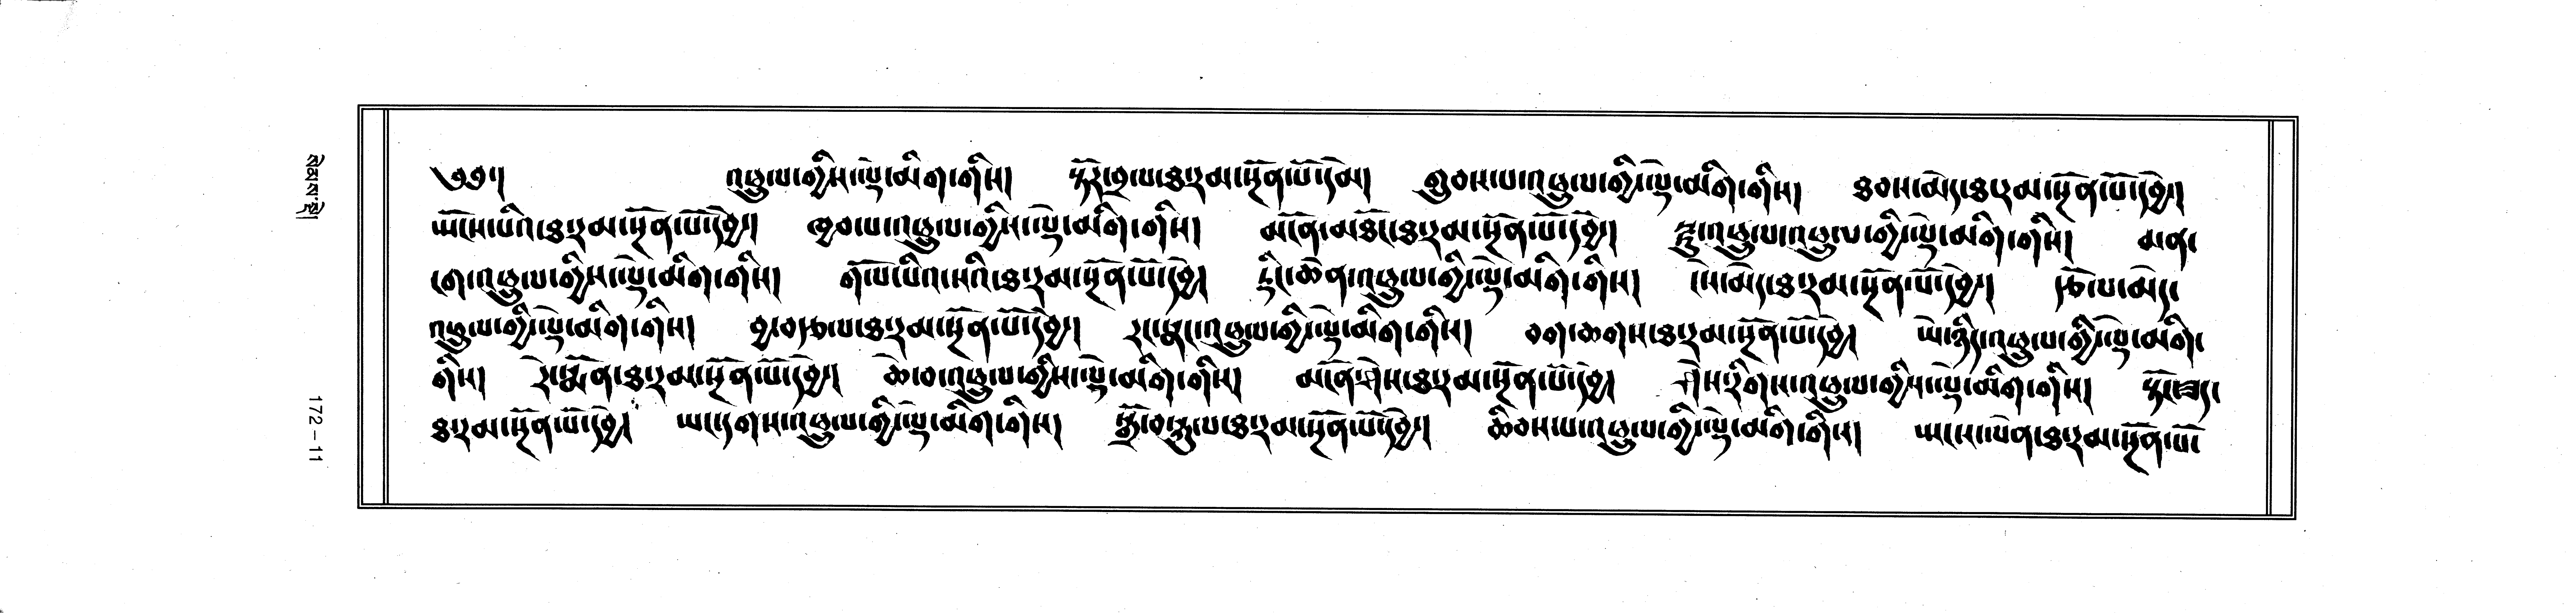འཕྲུལ་གྱི་ལྡེ་མིག་གིས། སྟོར་བྲལ་ཐ་རམ་སྔོན་པོ་དབྱེ། གྲུབ་པ་འཕྲུལ་གྱི་ལྡེ་མིག་གིས། ཐབས་མེད་ཐ་རམ་སྔོན་པོ་དབྱེ། 
སྤོངས་པའི་ཐ་རམ་སྔོན་པོ་དབྱེ། ཁྱབ་པ་འཕྲུལ་གྱི་ལྡེ་མིག་གིས། མངོན་མཐོང་ཐ་རམ་སྔོན་པོ་དབྱེ། རྫུ་འཕྲུལ་འཕྲུལ་གྱི་ལྡེ་མིག་གིས། མན་
ངག་འཕྲུལ་གྱི་ལྡེ་མིག་གིས། གོལ་པའི་སའི་ཐ་རམ་སྔོན་པོ་དབྱེ། རྡིང་ཆེན་འཕྲུལ་གྱི་ལྡེ་མིག་གིས། ངེས་མེད་ཐ་རམ་སྔོན་པོ་དབྱེ། རྩལ་མེད་
འཕྲུལ་གྱི་ལྡེ་མིག་གིས། བྱ་བརྩལ་ཐ་རམ་སྔོན་པོ་དབྱེ། རང་སྣང་འཕྲུལ་གྱི་ལྡེ་མིག་གིས། བག་ཆགས་ཐ་རམ་སྔོན་པོ་དབྱེ། ཡེ་ཉིད་འཕྲུལ་གྱི་ལྡེ་མིག་
གིས། རེ་སྨོན་ཐ་རམ་སྔོན་པོ་དབྱེ། ཆེ་བ་འཕྲུལ་གྱི་ལྡེ་མིག་གིས། མངོན་ཤེས་ཐ་རམ་སྔོན་པོ་དབྱེ། ཤེས་རིགས་འཕྲུལ་གྱི་ལྡེ་མིག་གིས། སྟོང་ཟད་
ཐ་རམ་སྔོན་པོ་དབྱེ། ཡང་དག་འཕྲུལ་གྱི་ལྡེ་མིག་གིས། སྒྲོ་བསྐུར་ཐ་རམ་སྔོན་པོ་